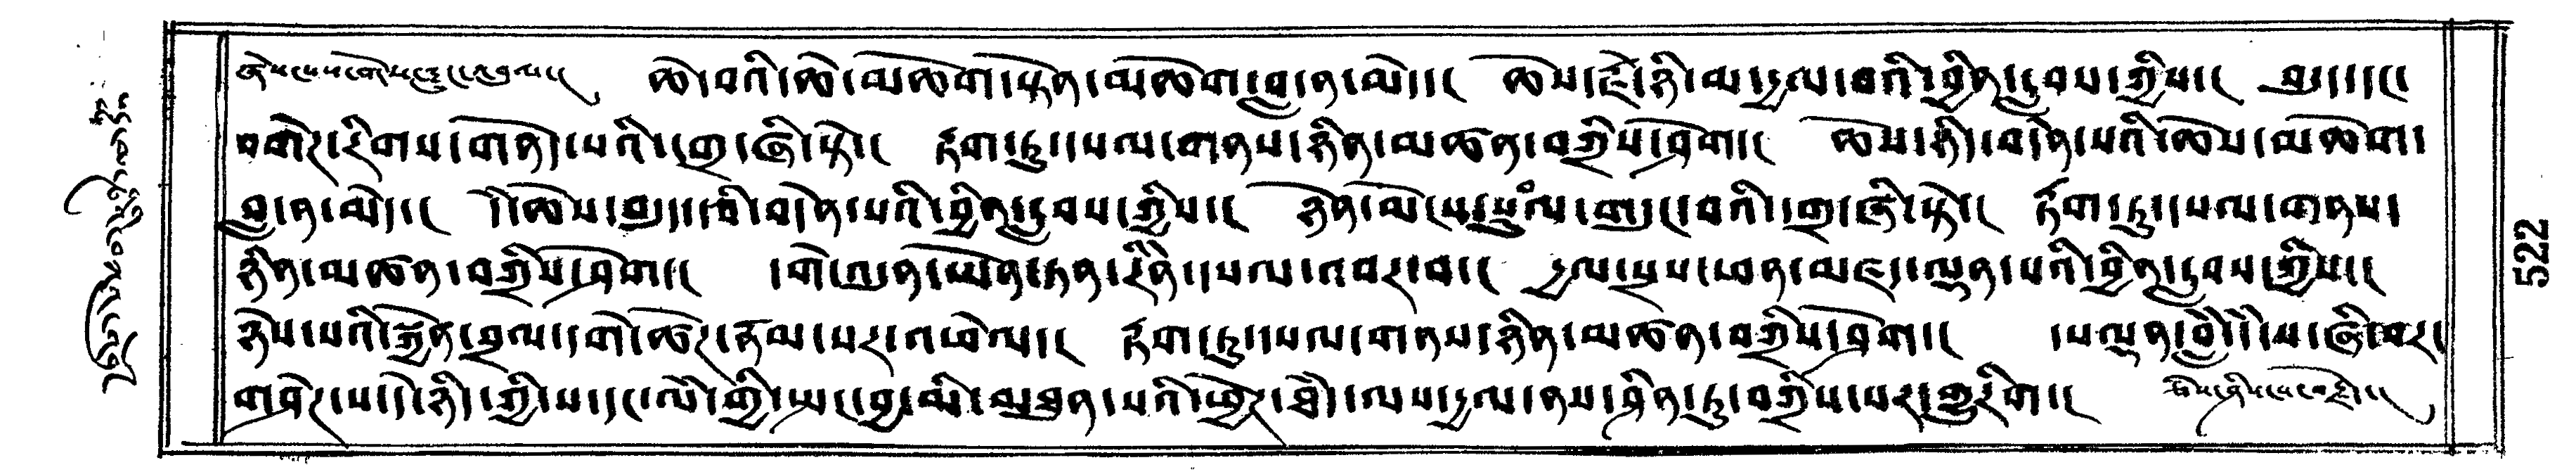ཞེས་པས་གོས་ཟུང་འབུལ། ཆེ་བའི་ཆེ་མཆོག་སྟོན་མཆོག་བླ་ན་མེད། །ཆོས་རྗེ་ཉི་མ་རྒྱལ་བའི་བྱིན་རླབས་ཀྱིས། །བདུད་དང་
བགེགས་རིགས་གནོད་པའི་དགྲ་ཞི་སྟེ། །རྟག་ཏུ་དཔལ་གནས་ཉིན་མཚན་བཀྲ་ཤིས་ཤོག །ཆོས་ཉིད་བདེན་པའི་ཆོས་མཆོག་
བླ་ན་མེད། །དམ་ཆོས་བདུད་རྩི་བདེན་པའི་བྱིན་རླབས་ཀྱིས། །ཉོན་མོངས་སྡུག་བསྔལ་གདུང་བའི་དགྲ་ཞི་སྟེ། །རྟག་ཏུ་དཔལ་གནས་
ཉིན་མཚན་བཀྲ་ཤིས་ཤོག དགེ་འདུན་ཡོན་ཏན་རིན་ཆེན་དཔལ་འབར་བ། །རྒྱལ་སྲས་ཕན་མཛད་ལྡན་པའི་བྱིན་རླབས་ཀྱིས། །
ཉེས་པའི་སྐྱོན་བྲལ་དགེ་ཚོགས་རྣམ་པར་འཕེལ། །རྟག་ཏུ་དཔལ་གནས་ཉིན་མཚན་བཀྲ་ཤིས་ཤོག །དཔལ་ལྡན་བླ་མ་དམ་པ་ཞི་བར་
གཤེགས་པ་དེ་ཉིད་ཀྱི་ས་དང་ལམ་གྱི་སྤང་བྱ་མི་མཐུན་པའི་ཕྱོགས་ཐམས་ཅད་ལས་རྒྱལ་ནས་ཤིན་ཏུ་བཀྲ་ཤིས་པར་གྱུར་ཅིག ཅེས་ཤིས་པ་བརྗོད།